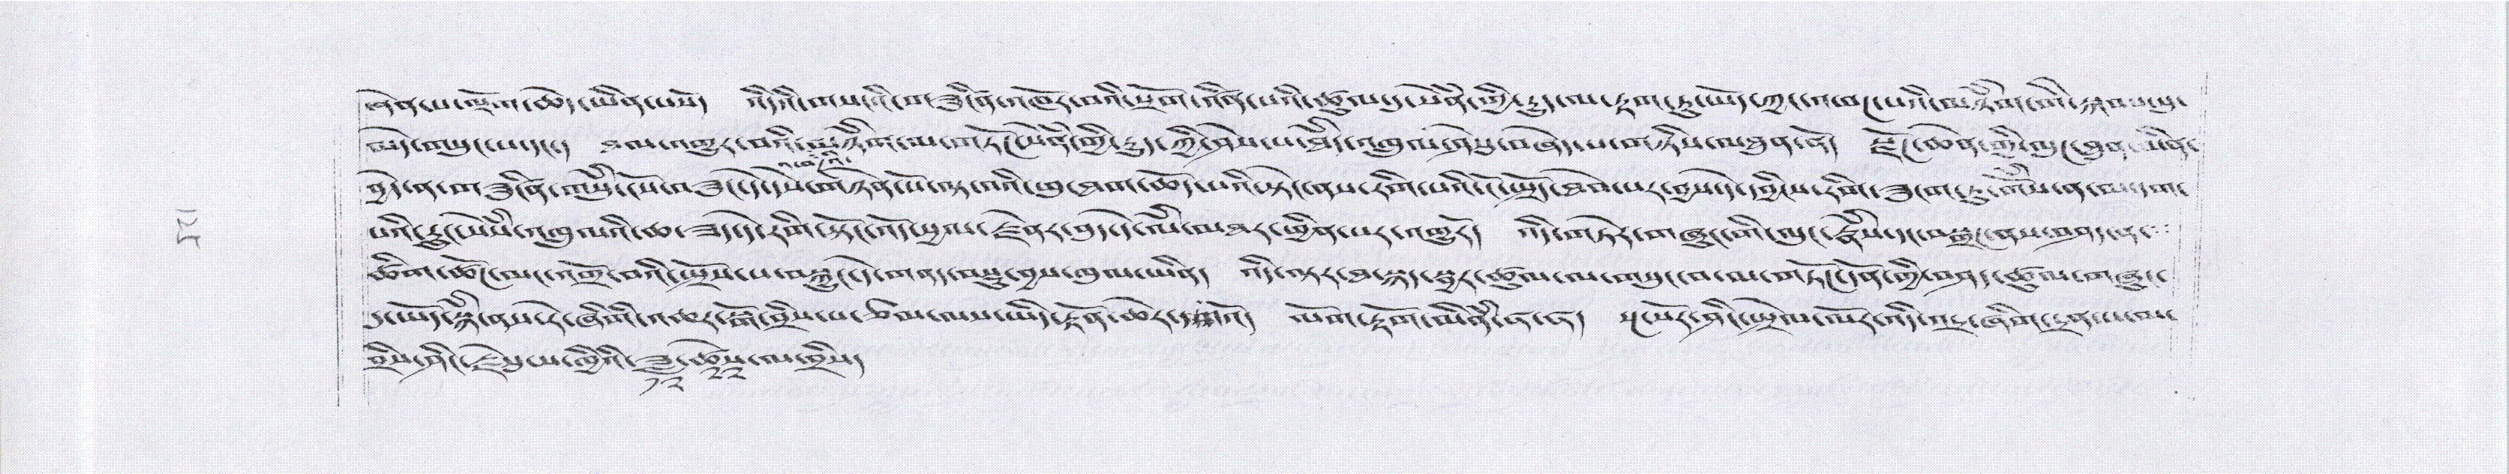ཞེན་ནས་ལྡོག་ཆེད་ཡིན་པས་སོ། འདིའི་གསང་བའི་གཟུང་འཛིན་འཁོར་བའི་སྲོག་འཛིན་པའི་ཚུལ་དུ་སེམས་ཅན་གྱི་རྒྱུད་ལ་རྟག་ཏུ་ཡོད་ཀྱང་འཕགས་པའི་མཉམ་གཞག་གི་སྐབས་སུ་
མེད་གསུངས་པ་དང་། ཐལ་འགྱུར་བའི་འཕགས་པའི་མཉམ་གཞག་མ་གཏོགས་སེམས་ཅན་གྱི་རྒྱུད་ཀྱི་ཤེས་པ་ཐམས་ཅད་འཁྲུལ་ཤེས་སུ་བཞེད་པ་གཉིས་མཐུན་ནོ། རྫོགས་ཆེན་གྱི་ལུགས་ཐུན་མིན་
བྱེད་ན་གཟུང་འཛིན་གསུམ་ངོས་བཟུང་དེ་དེས་གཉེན་པོ་ལྟ་བའི་ཕུ་ཐག་ཆོད་པའི་སྟེང་ནས་རིག་པའི་ངོ་སྤྲོད་ཐེབས་པར་བྱས་ཏེ། དབྱིངས་རིག་ཟུང་འཇུག་ཏུ་གོམས་ན་མ་དག་པའི་
རླུང་སེམས་འཁྲུལ་པའི་ཆ་ཟད་དེ་རིག་སྟོང་འོད་གསལ་རྗེན་པར་བུད་དེ་ལམ་མཐར་ཕྱིན་པར་འགྱུར་རོ། འདི་གཏེར་གཞུང་གི་ལུང་རྣམས་དང་སྦྲགས་ནས་བཤད་ན་
ཚིག་ཚོགས་མང་འགྲོ་བའི་སྤྲོས་པ་བསྐྱུངས་ཏེ་གནད་བསྡུ་བྱས་ཁུལ་ཡིན། འདི་ལྟར་ཐ་སྙད་སྦྱར་ཚུལ་ལ་གསུངས་པ་མ་གཏོགས་དོན་གྱི་བཤད་ཚུལ་གཞུང་
དུ་ཡོད་སྙམ་ནས་རེ་ཞིག་གི་འཆར་སྒོ་བྲིས་པ་ཙམ་ལས་ཡིད་རྟོན་ཆེར་དཀའ་འོ། ལོག་རྟོག་མིན་ནམ་ཧ་ཧ། སྔ་སོར་ཤིང་སྤྲེལ་ལོར་འདི་འདྲ་ཞིག་དྲན་པ་མ་
བྲིས་ཤིང་རྗེས་སུ་ས་ཁྱིའི་ཟླ་༡༢ཚེས་༢༢ལ་བྲིས།། །།